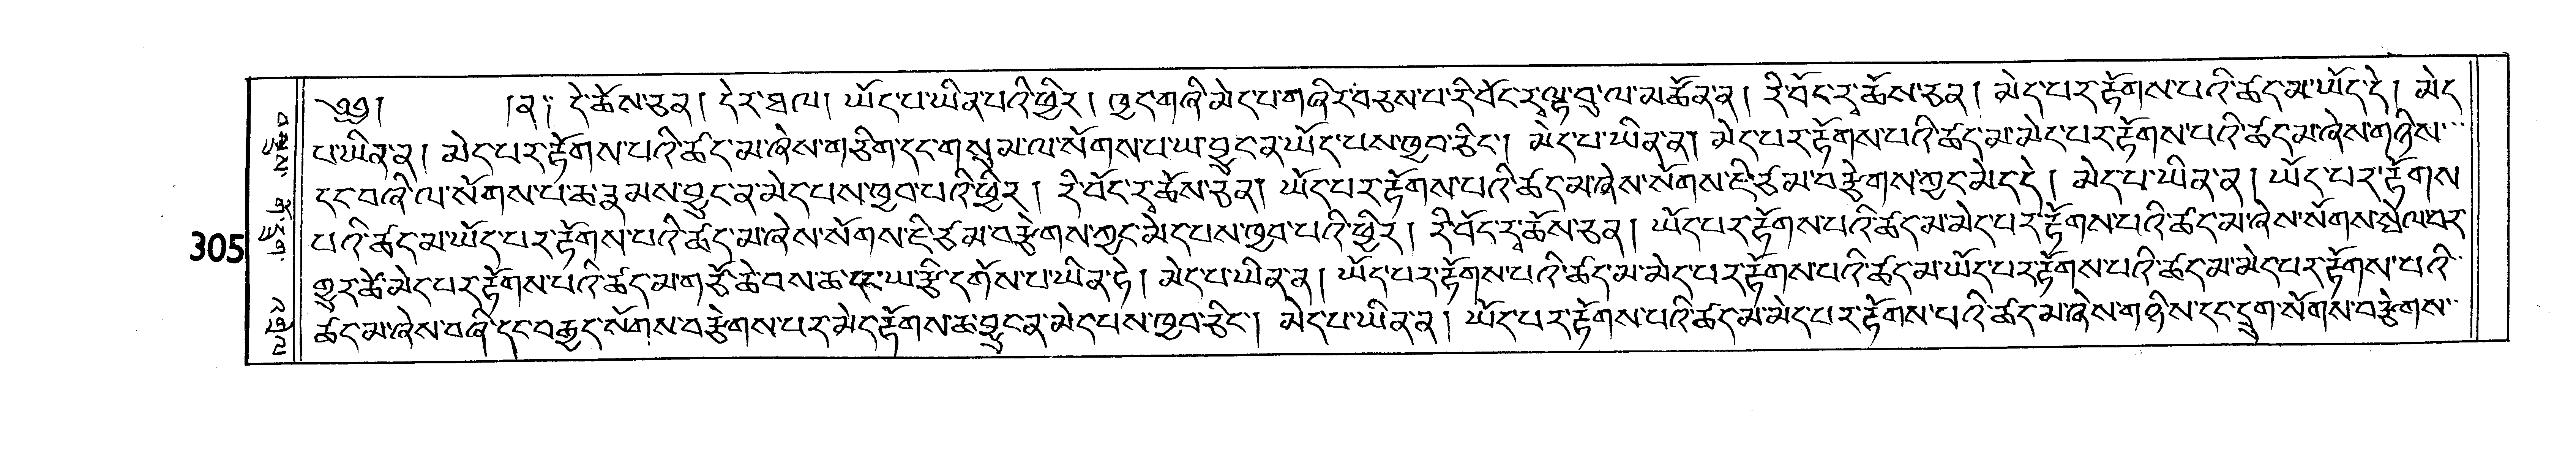༄༅། །ན༑ དེ་ཆོས་ཅན། དེར་ཐལ། ཡོད་པ་ཡིན་པའི་ཕྱིར། ཁྱད་གཞི་མེད་པ་གཞིར་བཅས་པ་རི་བོང་རྭ་ལྟ་བུ་ལ་མཚོན་ན། རི་བོང་རྭ་ཆོས་ཅན། མེད་པར་རྟོགས་པའི་ཚད་མ་ཡོད་དེ། མེད་
པ་ཡིན་ན། མེད་པར་རྟོགས་པའི་ཚད་མ་ཞེས་གཅིག་དང་གསུམ་ལ་སོགས་པ་ཡ་བྱུང་ན་ཡོད་པས་ཁྱབ་ཅིང་། མེད་པ་ཡིན་ན། མེད་པར་རྟོགས་པའི་ཚད་མ་མེད་པར་རྟོགས་པའི་ཚད་མ་ཞེས་གཉིས་
དང་བཞི་ལ་སོགས་པ་ཆ་རྣམས་བྱུང་ན་མེད་པས་ཁྱབ་པའི་ཕྱིར། རི་བོང་རྭ་ཆོས་ཅན། ཡོད་པར་རྟོགས་པའི་ཚད་མ་ཞེས་སོགས་ཇི་ཙམ་བརྩེགས་ཀྱང་མེད་དེ། མེད་པ་ཡིན་ན། ཡོད་པར་རྟོགས་
པའི་ཚད་མ་ཡོད་པར་རྟོགས་པའི་ཚད་མ་ཞེས་སོགས་ཇི་ཙམ་བརྩེགས་ཀྱང་མེད་པས་ཁྱབ་པའི་ཕྱིར། རི་བོང་རྭ་ཆོས་ཅན། ཡོད་པར་རྟོགས་པའི་ཚད་མ་མེད་པར་རྟོགས་པའི་ཚད་མ་ཞེས་སོགས་སྤེལ་བར་
གྱུར་ཚེ་མེད་པར་རྟོགས་པའི་ཚད་མ་གཙོ་ཆེ་བས་ཆ་དང་ཡ་རྩི་དགོས་པ་ཡིན་ཏེ། མེད་པ་ཡིན་ན། ཡོད་པར་རྟོགས་པའི་ཚད་མ་མེད་པར་རྟོགས་པའི་ཚད་མ་ཡོད་པའི་རྟོགས་པའི་ཚད་མ་མེད་པར་རྟོགས་པའི་
ཚད་མ་ཞེས་བཞི་དང་བརྒྱད་སོགས་བརྩེགས་པར་མེད་རྟོགས་ཆ་བྱུང་ན་མེད་པས་ཁྱབ་ཅིང་། མེད་པ་ཡིན་ན། ཡོད་པར་རྟོགས་པའི་ཚད་མ་མེད་པར་རྟོགས་པའི་ཚད་མ་ཞེས་གཉིས་དང་དྲུག་སོགས་བརྩེགས་